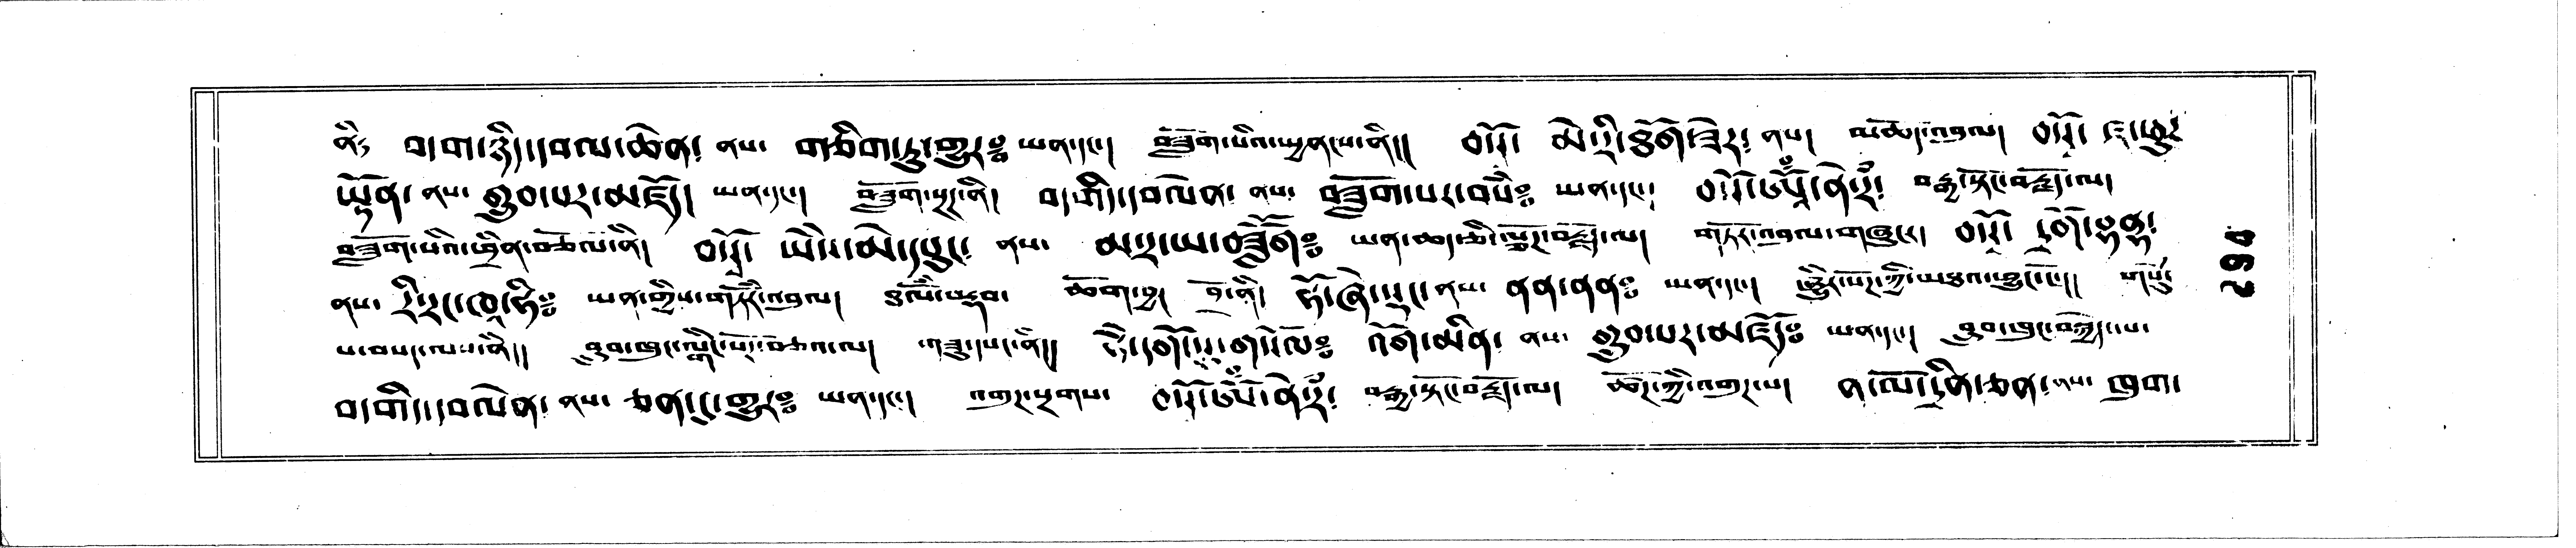ནི། བདག་ཉིད་དབལ་ཆེན་ནས་གཅིག་ཏུ་གྱུར། ཡན་དང་། བཟློག་པའི་སྤྱན་དྲངས་ནི། བསྭོ་མེ་རི་ཐོག་ཟེར་ནས་མཆོད་འབུལ་བསྭོ་ཛྭོ་ཕུར་
ཡོན་ཏན་ནས་གྲུབ་པར་མཛོད། ཡན་དང་། བཟློག་སྔགས་ནི། བདག་ཉིད་དབལ་ཆེན་ནས་བཟློག་པར་བསམ། ཡན་དང་། བསྭོ་ཨཱོྃ་ནེ་རཾ། བརྒྱ་སྟོང་བརྗོད་ལ། 
བཟློག་པའི་འཕྲིན་བཅོལ་ནི། བསྭོ། ཡེ་ཤེས་མེ་དཔུང་ནས་མ་ར་ཡ་བཟློག་བཟློག ཡན་ཆད་ཅི་ལྕོགས་བརྗོད་ལ། གཏོར་འབུལ་གཞུང་ལྟར། བསྭོ་དྲག་པོ་བྷན་དྷ་
ནས་རི་རང་ཁ་ཧིཿ ཡན་གྱིས་གཏོར་མ་འབུལཿ ཐལ་མོ་བརྡབ་ཆོག་བྱ། བྲོ་ནི། ཧོ་ཞེ་སྡང་ནས་ནན་ནནཿ ཡན་དང་། ཞི་གྱུར་སོགས་ཀྱི་མཐའ་ཕྱུང་ངོ་། གསུམ་
པ་བསད་ལས་ནི། བྲུབ་ཁུང་ལིངྒ་སོགས་བཅའ་ལ། གཟུ་དཔང་ནི། ཧེ་དགོངས་སུ་གསོལ་ལོ། འོག་མིན་ནས་གྲུབ་པར་མཛོདཿ ཡན་དང་། བྲུབ་ཁུང་བསྐྱེད་པ། 
བདག་ཉིད་དབལ་ཆེན་ནས་ཅན་དུ་གྱུར། ཡན་དང་། འགུགས་སྔགས་བསྭོ་ཨཱོྃ་ནེ་རཾ་བརྒྱ་སྟོང་བརྗོད་ལ། ཚོགས་ཀྱི་འགུགས་པ་ན་མོ་དྲིན་ཅན་ནས་ཁུག་